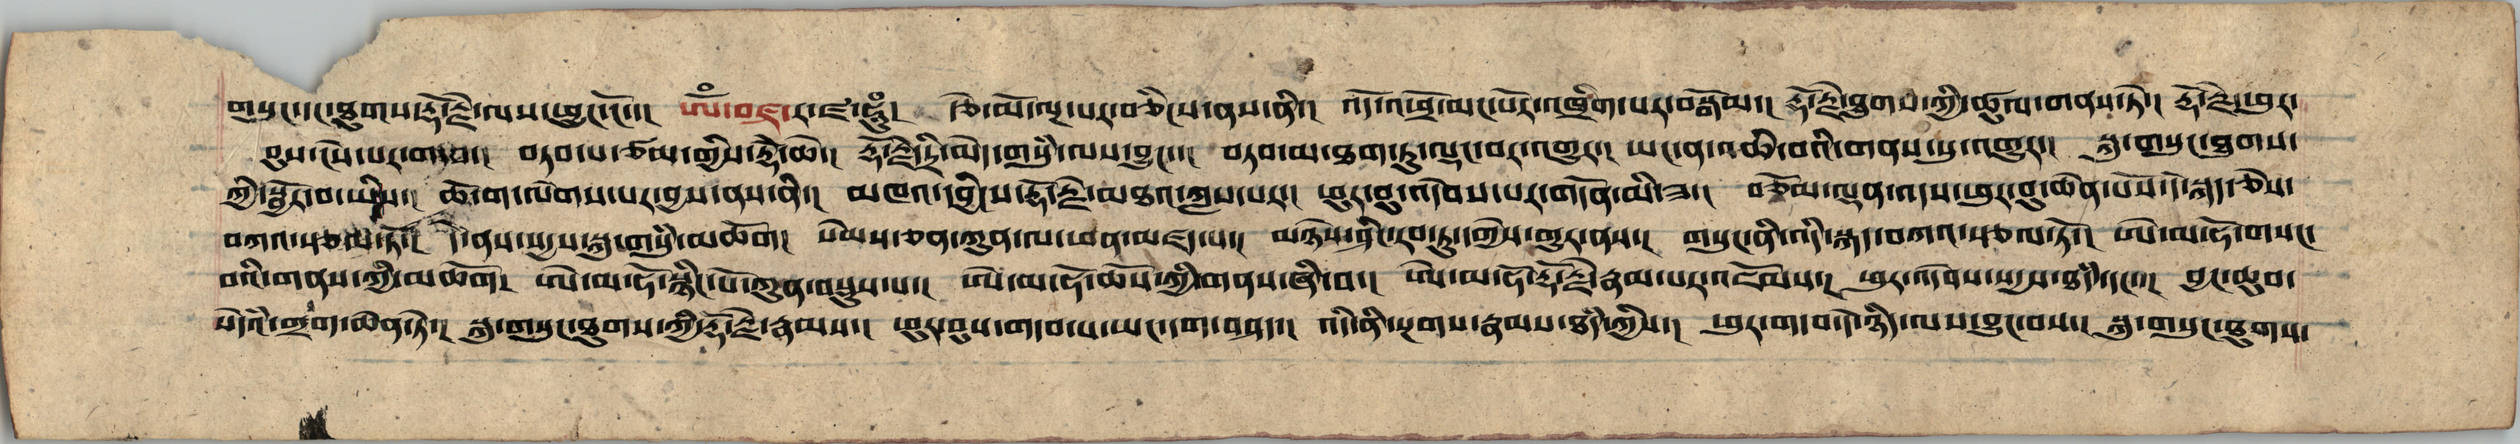གསུང་དང་ཐུགས་རྡོ་རྗེ་ལས་ཕྱུང་ངོ་་། ཨོཾ་བཛྲ་ར་ཛ་ཧཱུཾ། རྩེ་མོ་ལྔ་པར་བཅིངས་ནས་ནི་། འོད་འཕྲོ་མང་པོར་འཁྲིག་པར་བསྒོམ་། རྡོ་རྗེ་ཐུགས་ཀྱི་ཚུལ་གནས་ཏེ་། རྡོ་རྗེ་ཕུར་
བུས་ངེས་པར་གདབ་། བཏབ་པ་ཙམ་གྱིས་རྡོེ་ཆེ་། རྡོ་རྗེ་དྲི་མེད་གསུཾ་ལས་བྱུང་་། བཏབ་མ་ཐག་ཏུ་ལྡང་བར་འགྱུར་། ཡང་ན་འཆི་བའི་གནས་སུ་གྱུར་། སྐུ་གསུང་ཐུགས་
ཀྱི་སྦྱོར་བ་ཡིས་། ཆོ་ག་ལེགས་པར་བྱས་ནས་ནི་། མཁའ་དབྱིངས་རྡོ་རྗེ་མཐའ་ཀླས་པར་། ཕུར་བུ་འདེབས་པར་གདོན་མི་ཟ་། བཅོམ་ལྡན་འདས་ཕུར་བུ་ཆེན་པོས་དེ་སྐད་ཅེས་
བཀའ་སྩལ་ཏོ་། དེ་ནས་སདྱས་སྐུ་གསུཾ་མཆོག། སེམས་ཅན་ཀུན་ལ་ཕན་མཛད་པ་། མཉེས་ཤིང་རབ་ཏུ་དགྱེས་གྱུར་ནས་། གསུང་ནི་འདི་སྐད་བཀའ་སྩལ་ཏོ་། ཨེ་མ་ཧོ་གསང་
བའི་གནས་ཀྱི་མཆོག། ཨེ་མ་ཧོ་སྙིང་པོ་ཀུན་བསྡུས་པ་། ཨེ་མ་ཧོ་ཆོས་ཀྱི་གནས་ཞི་བ་། ཨེ་མ་ཧོ་རྡོ་རྗེ་རྣམ་པར་འཇོམས་། ཕུར་འདེབས་སདྱས་ཐཾད་དང་་། བྱང་ཆུབ་
སེདཾའ་གྲག་ཆེན་ཏེ་། སྐུ་གསུང་ཐུགས་ཀྱི་རྡོ་རྗེ་རྣམས་། ཕུར་བུས་གདབ་པ་ཡང་དག་བཤད་། འདི་ནི་སྔགས་རྣམས་ཐཾད་ཀྱིས་། ཕུར་གདབ་དེ་ཉིད་ལས་བྱུང་བས་། སྐུ་གསུང་ཐུགས་